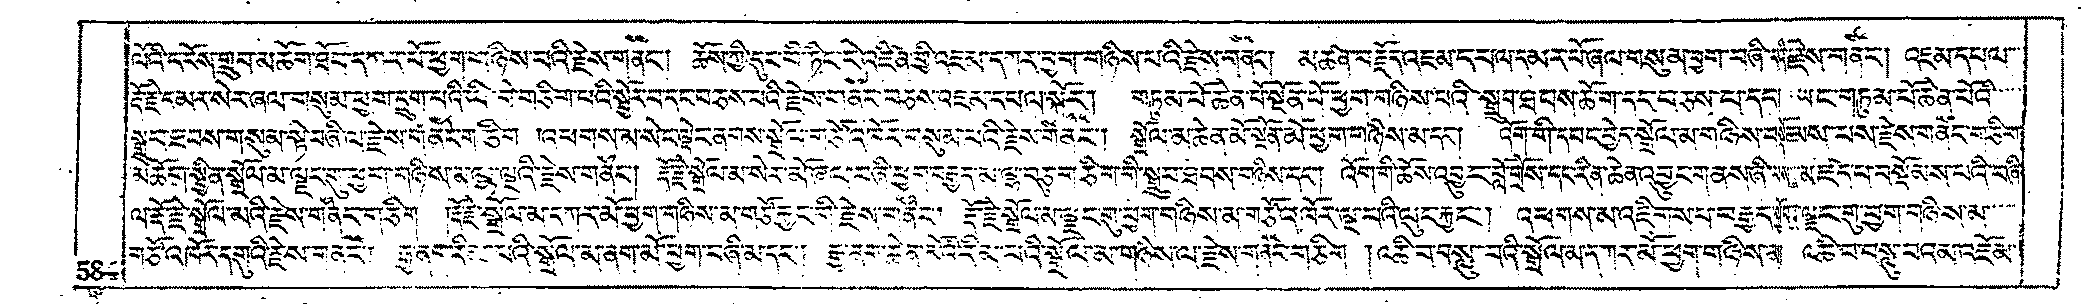ལོའི་དངོས་གྲུབ་མཆོག་ཐོབ་དཀར་པོ་ཕྱག་གཉིས་པའི་རྗེས་གནང་། ཆོས་ཀྱི་དུང་གི་ཏིང་ངེ་འཛིན་གྱི་འཇམ་དཀར་ཕྱག་གཉིས་པའི་རྗེས་གནང་། མཚན་བརྗོད་འཇམ་དཔལ་དམར་པོ་ཞལ་གསུམ་ཕྱག་བཞི་པའི་རྗེས་གནང་། འཇམ་དཔལ་
རྡོ་རྗེ་དམར་སེར་ཞལ་གསུམ་ཕྱག་དྲུག་པའི་ཡི་གེ་གཅིག་པའི་སྦྱོར་བ་དང་བཅས་པའི་རྗེས་གནང་བཅས་འཇམ་དཔལ་སྐོར། གཏུམ་པོ་ཆེན་པོ་སྔོན་པོ་ཕྱག་གཉིས་པའི་སྒྲུབ་ཐབས་ཆོ་ག་དང་བཅས་པ་དང་། ཡང་གཏུམ་པོ་ཆེན་པོའི་
སྒྲུབ་ཐབས་གསུམ་སྟེ་བཞི་ལ་རྗེས་གནང་གཅིག །འཕགས་མ་སེང་ལྡེང་ནགས་སྒྲོལ་གཙོ་འཁོར་གསུམ་པའི་རྗེས་གནང་། སྒྲོལ་མ་ཆེན་མོ་སྔོན་མོ་ཕྱག་གཉིས་མ་དང་། འོག་གི་དབང་བྱེད་སྒྲོལ་མ་གཉིས་བསྡོམས་པས་རྗེས་གནང་གཅིག་
མཆོག་སྦྱིན་སྒྲོལ་མ་ལྗང་གུ་ཕྱག་གཉིས་མ་ལྷ་ལྔའི་རྗེས་གནང་། རྡོ་རྗེ་སྒྲོལ་མ་སེར་མོ་ཞལ་བཞི་ཕྱག་བརྒྱད་མ་ལྷ་བཅུ་གཅིག་གི་སྒྲུབ་ཐབས་གཉིས་དང་། འོག་གི་ཆོས་འབྱུང་བློ་གྲོས་དང་རིན་ཆེན་འབྱུང་གནས་ཞི་པས་མཛད་པ་བསྡོམས་པའི་བཞི་
ལ་རྡོ་རྗེ་སྒྲོལ་མའི་རྗེས་གནང་གཅིག །རྡོ་རྗེ་སྒྲོལ་མ་དཀར་མོ་ཕྱག་གཉིས་མ་གཙོ་རྐྱང་གི་རྗེས་གནང་། རྡོ་རྗེ་སྒྲོལ་མ་ལྗང་གུ་ཕྱག་གཉིས་མ་གཙོ་འཁོར་ལྔ་པའི་ལུང་རྐྱང་། འཕགས་མ་འཇིགས་པ་བརྒྱད་སྐྱོབ་ལྗང་གུ་ཕྱག་གཉིས་མ་
གཙོ་འཁོར་དགུའི་རྗེས་གནང་། རྒྱ་ནག་རིམ་པའི་སྒྲོལ་མ་ནག་མོ་ཕྱག་བཞི་མ་དང་། རྒྱ་ནག་ཆེན་མོའི་རིམ་པའི་སྒྲོལ་མ་གཉིས་ལ་རྗེས་གནང་གཅིག །འཆི་བ་བསླུ་བའི་སྒྲོལ་མ་དཀར་མོ་ཕྱག་གཉིས་མ། འཆི་བ་བསླུ་བའམ་འཇོམ་